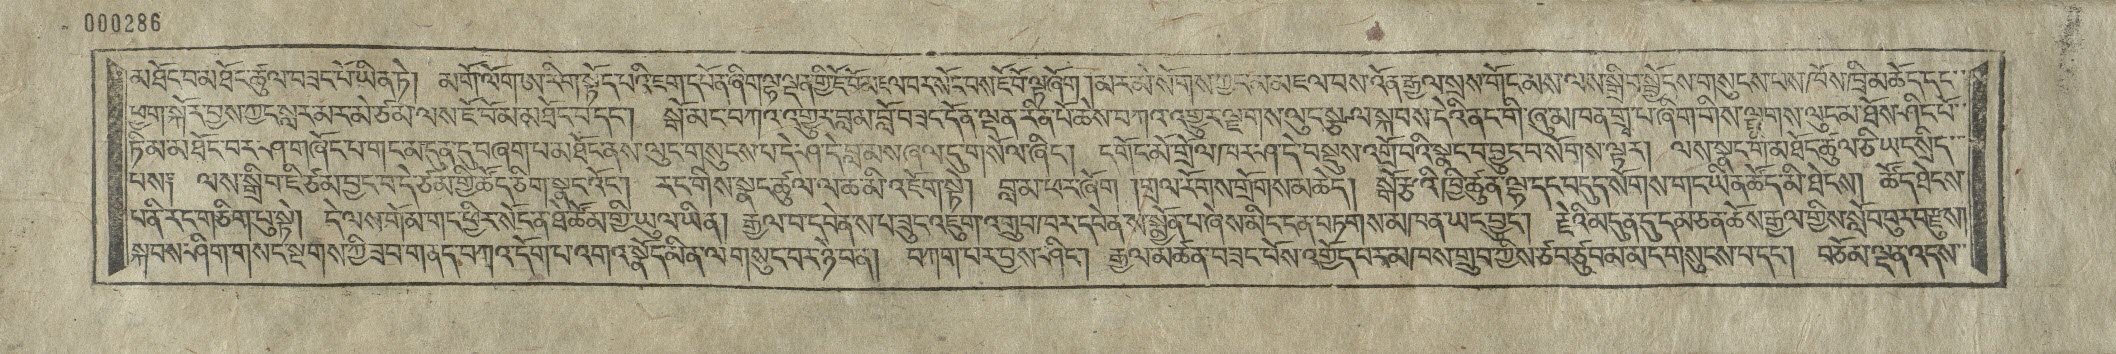མཐོང་བ་མཐོང་ཚུལ་བཟང་པོ་ཡིན་ཏེ། མགོ་ལོག་ཨ་རིག་སྟོད་པའི་ཇག་དཔོན་ཞིག་ལྷ་ལྡན་གྱི་ཇོ་བོ་མཇལ་བར་སོང་བས་ཇོ་བོ་ལྟ་ཞོག །མར་མེ་སོགས་ཀྱང་མ་མཇལ་བས་འོན་རྒྱལ་སྲས་གོང་མས་ལས་སྒྲིབ་སྦྱོངས་གསུངས་པས་ཁོས་ཁྲི་མཆོད་དང་
ཕྱག་སྐོར་བྱས་ཀྱང་སླར་མར་མེ་ཙམ་ལས་ཇོ་བོ་མ་མཐོང་བ་དང་། སྒོ་མང་བཀའ་འགྱུར་བླ་མ་བློ་བཟང་དོན་ལྡན་རིན་པོ་ཆེས་བཀའ་འགྱུར་ལྗགས་ལུང་སྩལ་སྐབས་དེའི་ནང་གི་ཞུ་མཁན་གྲྭ་པ་ཞིག་གིས་ལྗགས་ལུང་མ་ཐོས་ཤིང་པོ་
ཏི་མ་མཐོང་བར་ཤ་གཞོང་པ་གང་མདུན་དུ་བཞག་པ་མཐོང་ནས་ལུང་གསུངས་པ་དེ་ཤ་དེ་བླ་མས་ཞལ་དུ་གསོལ་ཞིང་། དགོང་མོ་གྲོལ་ཁར་ཤ་དེ་བསྡུས་འགྲོ་བའི་སྣང་བ་བྱུང་བ་སོགས་ལྟར། ལས་སྣང་གི་མཐོང་ཚུལ་ཅི་ཡང་སྲིད་
པས༑ ལས་སྒྲིབ་ཇི་ཙམ་བྱང་བ་དེ་ཙམ་གྱི་ཚོད་ཅིག་སྣང་འོང་། རང་གིས་སྣང་ཚུལ་ལ་ཆ་མི་འཇོག་སྟེ། བླ་མ་ཕར་ཞོག །གྲལ་རོགས་གྲོགས་མཆེད། སྒོ་རྩའི་ཁྱི་ཚུན་ལྷ་དང་བདུད་སོགས་གང་ཡིན་ཚོད་མི་ཐེངས། ཚོད་ཐེངས་
པ་ནི་རང་གཅིག་པུ་སྟེ། དེ་ལས་གོམ་གང་ཕྱིར་སོང་ན་ཐེ་ཚོམ་གྱི་ཡུལ་ཡིན། རྒྱལ་བ་དབེན་ས་པ་ཟུང་འཇུག་འགྲུབ་ཁར་དབེན་ས་སྨྱོན་པ་ཞེས་མིང་ངན་བཏགས་མཁན་ཡང་བྱུང་། རྗེའི་མདུན་དུ་དམ་ཅན་ཆོས་རྒྱལ་གྱིས་སློབ་བུར་བརྫུས།
སྐབས་ཤིག་གསང་སྔགས་ཀྱི་ཟབ་གནད་བཀའ་དོག་པ་འགའ་སྣོད་མིན་ལ་གསུང་བར་ཉེ་བ་ན། བཀག་པར་བྱས་ཤིང་། རྒྱལ་མཚན་བཟང་པོས་འགྱོད་པར་མཁས་གྲུབ་ཀྱིས་ཙབ་ཙུབ་མ་མང་གསུངས་པ་དང་། བཅོམ་ལྡན་འདས་